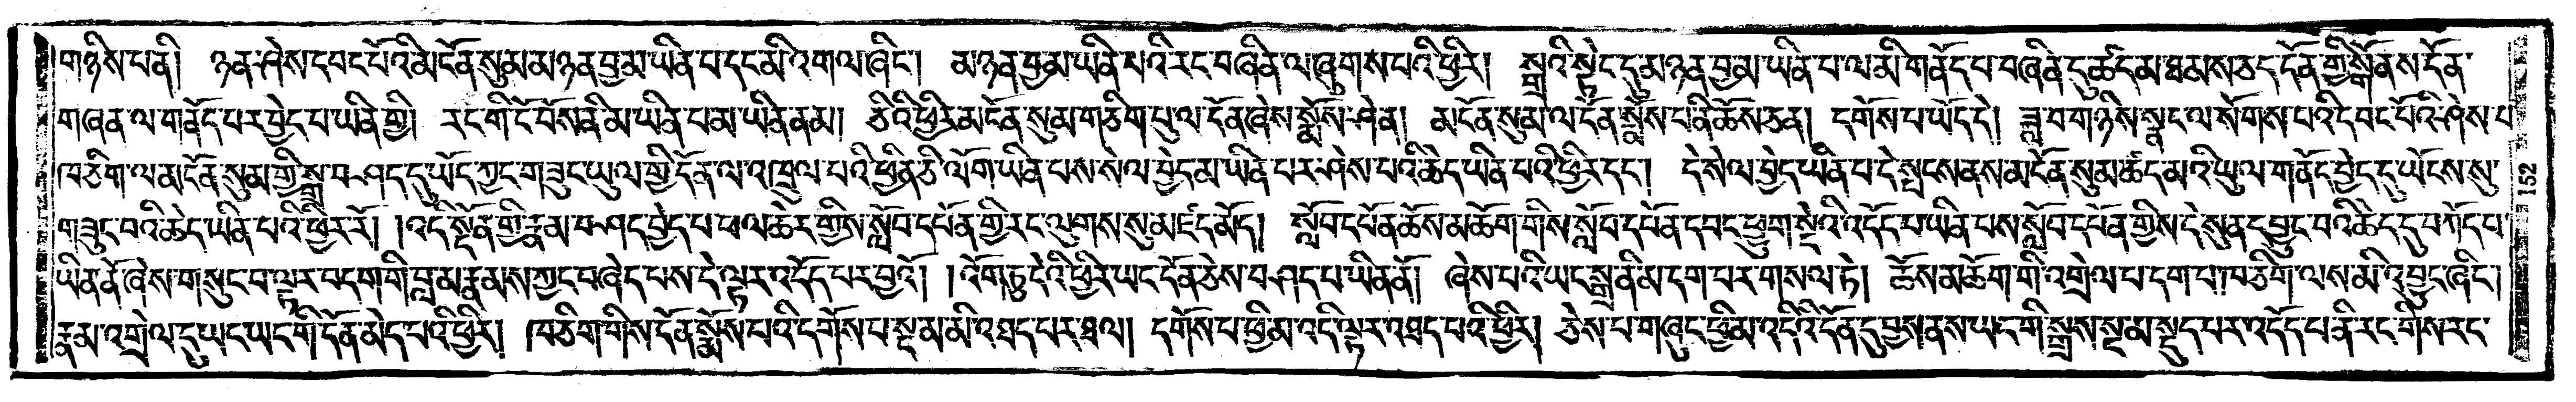གཉིས་པ་ནི། ཉན་ཤེས་དབང་པོའི་མངོན་སུམ་མཉན་བྱ་མ་ཡིན་པ་དང་མི་འགལ་ཞིང་། མཉན་བྱ་མ་ཡིན་པའི་རང་བཞིན་ལ་ཞུགས་པའི་ཕྱིར། སྒྲའི་སྟེང་དུ་མཉན་བྱ་མ་ཡིན་པ་ལ་མི་གནོད་པ་བཞིན་དུ་ཚད་མ་ཐམས་ཅད་དོན་གྱི་སྒོ་ནས་དོན་
གཞན་ལ་གནོད་པར་བྱེད་པ་ཡིན་གྱི། རང་གི་ངོ་བོས་ནི་མ་ཡིན་པ་མ་ཡིན་ནམ། ཅིའི་ཕྱིར་མངོན་སུམ་གཅིག་པུ་ལ་དོན་ཞེས་སྨོས་ཤེ་ན། མངོན་སུམ་ལ་དོན་སྨོས་པ་ནི་ཆོས་ཅན། དགོས་པ་ཡོད་དེ། ཟླ་བ་གཉིས་སྣང་ལ་སོགས་པའི་དབང་པོའི་ཤེས་པ་
ཁ་ཅིག་ལ་མངོན་སུམ་གྱི་སྒྲ་བཤད་དུ་ཡོད་ཀྱང་གཟུང་ཡུལ་གྱི་དོན་ལ་འཁྲུལ་པའི་ཕྱིན་ཅི་ལོག་ཡིན་པས་སེལ་བྱེད་མ་ཡིན་པར་ཤེས་པའི་ཆེད་ཡིན་པའི་ཕྱིར་དང་། དེ་སེལ་བྱེད་ཡིན་པ་དེ་སྤངས་ནས་མངོན་སུམ་ཚད་མའི་ཡུལ་གནོད་བྱེད་དུ་ཡོངས་སུ་
གཟུང་བའི་ཆེད་ཡིན་པའི་ཕྱིར་རོ། །འདི་སྔོན་གྱི་རྣམ་བཤད་བྱེད་པ་ཕལ་ཆེར་གྱིས་སློབ་དཔོན་གྱི་རང་ལུགས་སུ་མཛད་མོད། སློབ་དཔོན་ཆོས་མཆོག་གིས་སློབ་དཔོན་དབང་ཕྱུག་སྡེའི་འདོད་པ་ཡིན་པས་སློབ་དཔོན་གྱིས་དེ་སུན་དབྱུང་བའི་ཆེད་དུ་བཀོད་པ་
ཡིན་ནོ་ཞེས་གསུང་བ་ལྟར་བདག་གི་བླ་མ་རྣམས་ཀྱང་བཞེད་པས་དེ་ལྟར་འདོད་པར་བྱའོ། །འོག་ཏུ་དེའི་ཕྱིར་ཡང་དོན་ཅེས་བཤད་པ་ཡིན་ནོ། ཞེས་པའི་ཡང་སྒྲ་ནི་མ་དག་པར་གསལ་ཏེ། ཆོས་མཆོག་གི་འགྲེལ་པ་དག་པ་ཁ་ཅིག་ལས་མི་འབྱུང་ཞིང་།
རྣམ་འགྲེལ་དུ་ཡང་ཡང་གི་དོན་མེད་པའི་ཕྱིར། ཁ་ཅིག་གིས་དོན་སྨོས་པའི་དགོས་པ་སྔ་མ་མི་འཐད་པར་ཐལ། དགོས་པ་ཕྱི་མ་འདི་ལྟར་འཐད་པའི་ཕྱིར། ཅེས་པ་གཞུང་ཕྱི་མ་འདིའི་དོན་དུ་བྱས་ནས་ཡང་གི་སྒྲས་སྔ་མ་སྡུད་པར་འདོད་པ་ནི་རང་གིས་རང་